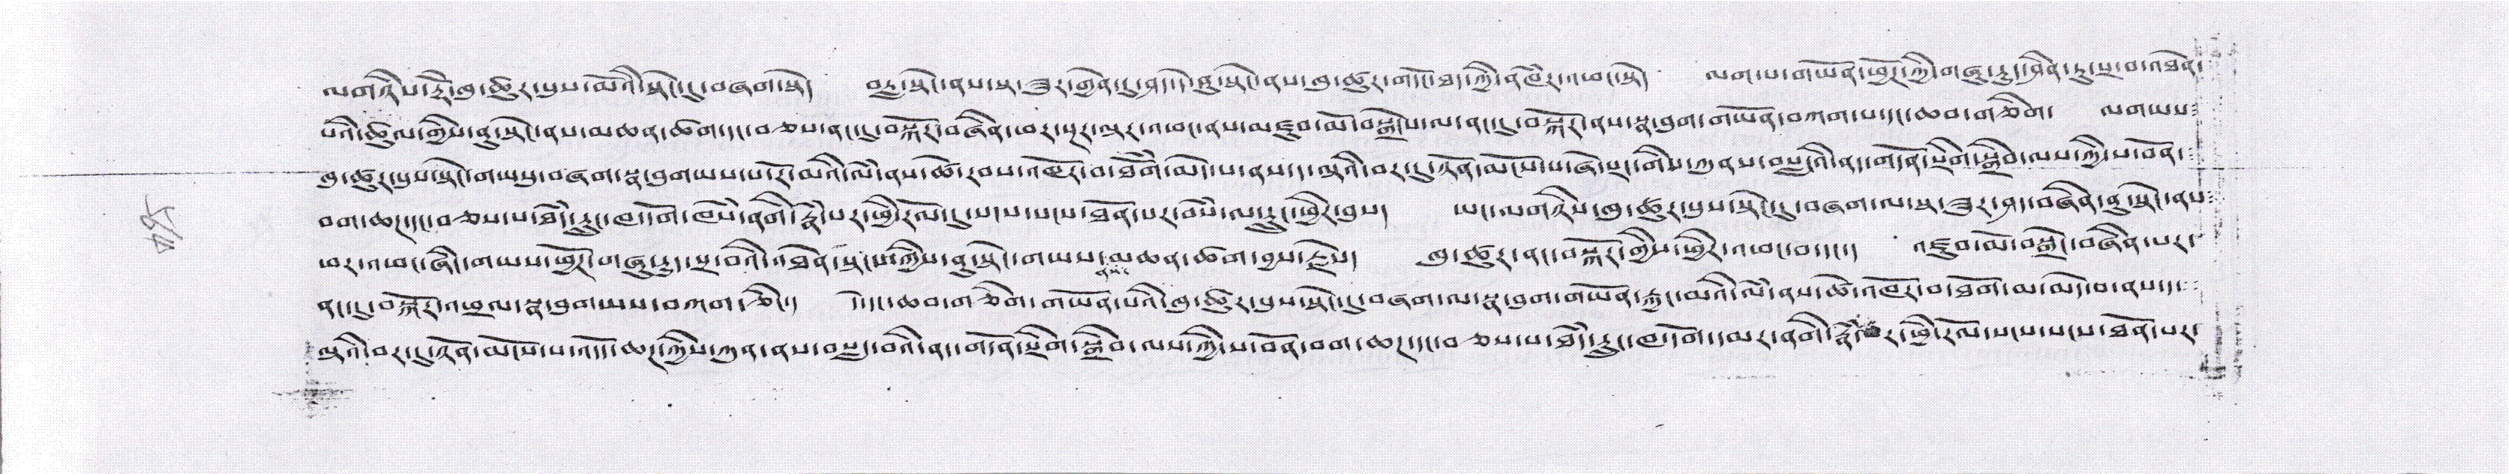ལག་གཉིས་རྡོ་རྗེ་ཁུ་ཚུར་པུས་མོའི་སྟེང་དུ་བཞག་སྟེ། བརླ་སྟེང་ནས་སྟ་ཟུར་གྱེན་དུ་ཤད་དེ་ནུ་སྟེང་ནས་ཁུ་ཚུར་གདོང་ཐད་ཀྱི་ནམ་མཁར་འཕང་ནས་སྟེ། ལག་པ་གཡོན་ཕྱོགས་ཀྱི་གཞུ་རྒྱུད་ཤིན་ཏུ་སྲ་བ་འཐེན་
པའི་ཚུལ་གྱིས་ནུ་སྟེང་ནས་མཆན་ཆོག་དང་བཅས་པ་ནང་དུ་བསྐོར་ཞིང་ཕར་སྔགས་ལྟར་འཕང་ནས་མཛུབ་མོ་སྦྲེལ་ལ་ནང་དུ་བསྐོར་ནས་སྣ་བུག་གཡོན་བཀག་པ་དང་ཆབས་ཅིག ལག་གཡས་
ཁུ་ཚུར་པུས་སྟེང་དུ་གཡས་སུ་བཞག སྣ་བུག་གཡས་པ་རོ་མའི་ལམ་ནས་ཚེ་རབས་འཁོར་བ་ཐོག་མ་མེད་པ་ནས་ད་ལྟའི་བར་དུ་ཉོན་མོངས་པ་ཞེ་སྡང་གིས་ཀུན་ནས་བསླངས་པའི་ནད་གདོན་སྡིག་སྒྲིབ་ལས་ཀྱི་ས་བོན་
བག་ཆགས་དང་བཅས་པ་ཐམས་ཅད་རླུང་ཁ་དོག་ཁམ་ནག་གི་རྣམ་པར་ཕྱི་རོལ་དུ་སང་སང་ཐོན་པར་བསམ་ལ་རླུང་ཕྱིར་བུས། ཡང་ལག་གཉིས་ཁུ་ཚུར་པུས་སྟེང་དུ་བཞག་ལ་སྟ་ཟུར་ཤད་བཞིན་ནུ་སྟེང་ནས་
ཕར་འཕང་ཞིང་གཡས་ཕྱོགས་གཞུ་རྒྱུད་སྲ་བའི་འཐེན་སྟངས་ཀྱི་ནུ་སྟེང་གཡས་ནས་མཆན་ཚག་བྱས་རྗེས་ཁུ་ཚུར་ནང་བསྐོར་གྱིས་ཕྱིར་འཕང་བ་དང་། འཛུབ་མོ་བསྒྲེང་བཞིན་པར་
ནང་དུ་བསྐོར་འཕྲལ་སྣ་བུག་གཡས་བཀག་ཅིང་། དེ་དང་ཆབས་ཅིག་གཡོན་པའི་ཁུ་ཚུར་པུས་སྟེང་དུ་བཞག་ལ་སྣ་བུག་གཡོན་རྐྱང་མའི་ལམ་ནས་ཚེ་འཁོར་བ་ཐོག་མ་མེད་པ་ནས་ད་
ལྟའི་བར་དུ་ཉོན་མོངས་འདོད་ཆགས་ཀྱིས་ཀུན་ནས་བསླང་བའི་ནད་གདོན་སྡིག་སྒྲིབ་ལས་ཀྱི་ས་བོན་བག་ཆགས་དང་བཅས་པ་ཐམས་ཅད་རླུང་ཁ་དོག་དམར་ནག་གི་རྣམ་པར་ཕྱི་རོལ་སང་སང་ཐོན་པར་